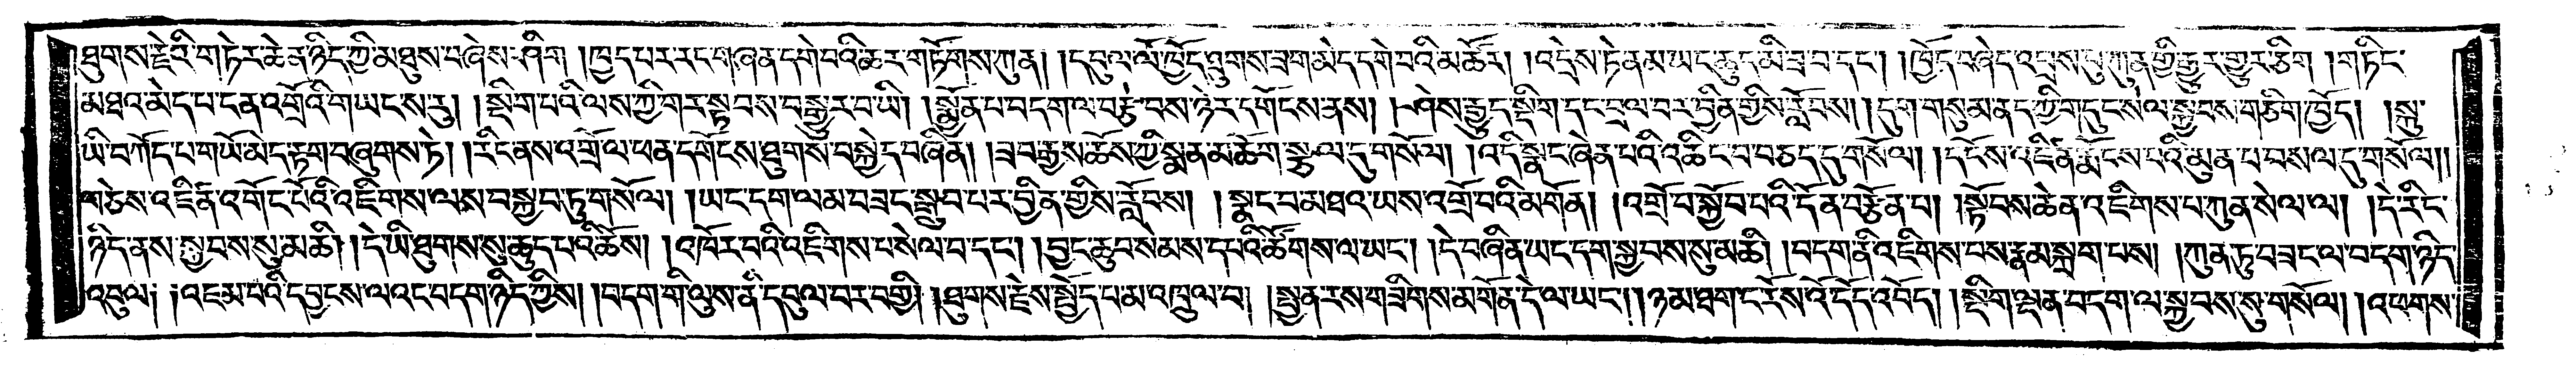ཐུགས་རྗེའི་གཏེར་ཆེན་ཉིད་ཀྱི་མཐུས་བཞེས་ཤིག །ཁྱད་པར་རང་གཞན་དགེ་བའི་ཆར་གཏོགས་ཀུན། །དབུལ་ལོ་ཁྱོད་ཐུགས་ཟག་མེད་དགེ་བའི་མཚོར། །འདྲེས་ཏེ་ནམ་ཡང་ཆུད་མི་ཟ་བ་དང་། །ཁྱོད་བཞེད་འབྲས་བུ་ཀུན་གྱི་རྒྱུར་གྱུར་ཅིག །གཏིང་
མཐའ་མེད་པ་དན་འགྲོའི་གཡང་ས་རུ། །སྡིག་པའི་ལས་ཀྱི་གར་སྟབས་བསྒྱུར་བ་ཡི། །སྨྱོན་པ་བདག་ལ་བརྩེ་བས་ཉེར་དགོངས་ནས། །ཤེས་རྒྱུད་སྡིག་དང་བྲལ་བར་བྱིན་གྱིས་རློབས། །དུག་གསུམ་ནད་ཀྱི་གདུང་སེལ་སྐྱབས་གཅིག་ཁྱོད། །སྐུ་
ཡི་བཀོད་ཕག་ཡོ་མེད་རྟག་བཞུགས་ཏེ། །རིང་ནས་འགྲོ་ལ་ཕན་དགོངས་ཐུགས་བསྐྱེད་བཞིན། །ཟབ་རྒྱས་ཆོས་ཀྱི་སྨན་མཆོག་སྩལ་དུ་གསོལ། །འདི་སྣང་ཞེན་པའི་འཆིང་བ་བཅད་དུ་གསོལ། །དངོས་འཛིན་རྨོངས་པའི་མུན་པ་བསལ་དུ་གསོལ། །
གཅེས་འཛིན་འགོང་པོའི་འཇིགས་ལས་བསྐྱབ་ཏུ་གསོལ། །ཡང་དག་ལམ་བཟང་སྒྲུབ་པར་བྱིན་གྱིས་རློབས། །སྣང་བ་མཐའ་ཡས་འགྲོ་བའི་མགོན། །འགྲོ་བ་སྐྱོབ་པའི་དོན་བརྩོན་པ། །སྟོབས་ཆེན་འཇིགས་པ་ཀུན་སེལ་ལ། །དེ་རིང་
ཉིད་ནས་སྐྱབས་སུ་མཆི། །དེ་ཡི་ཐུགས་སུ་ཆུད་པའི་ཆོས། །འཁོར་བའི་འཇིགས་པ་སེལ་བ་དང་། །བྱང་ཆུབ་སེམས་དཔའི་ཚོགས་ལ་ཡང་། །དེ་བཞིན་ཡང་དག་སྐྱབས་སུ་མཆི། །བདག་ནི་འཇིགས་པས་རྣམ་སྐྲག་པས། །ཀུན་ཏུ་བཟང་ལ་བདག་ཉིད་
འབུལ། །འཇམ་བའི་དབྱངས་ལའང་བདག་ཉིད་ཀྱིས། །བདག་གི་ལུས་ནི་ཨེདབུལ་བར་བགྱི། །ཐུགས་རྗེས་སྤྱོད་པ་མ་འཁྲུལ་བ། །སྤྱན་རས་གཟིགས་མགོན་དེ་ལ་ཡང་། །ཉམ་ཐག་ང་རོས་འོ་དོད་འབོད། །སྡིག་ལྡན་བདག་ལ་སྐྱབས་སུ་གསོལ། །འཕགས་